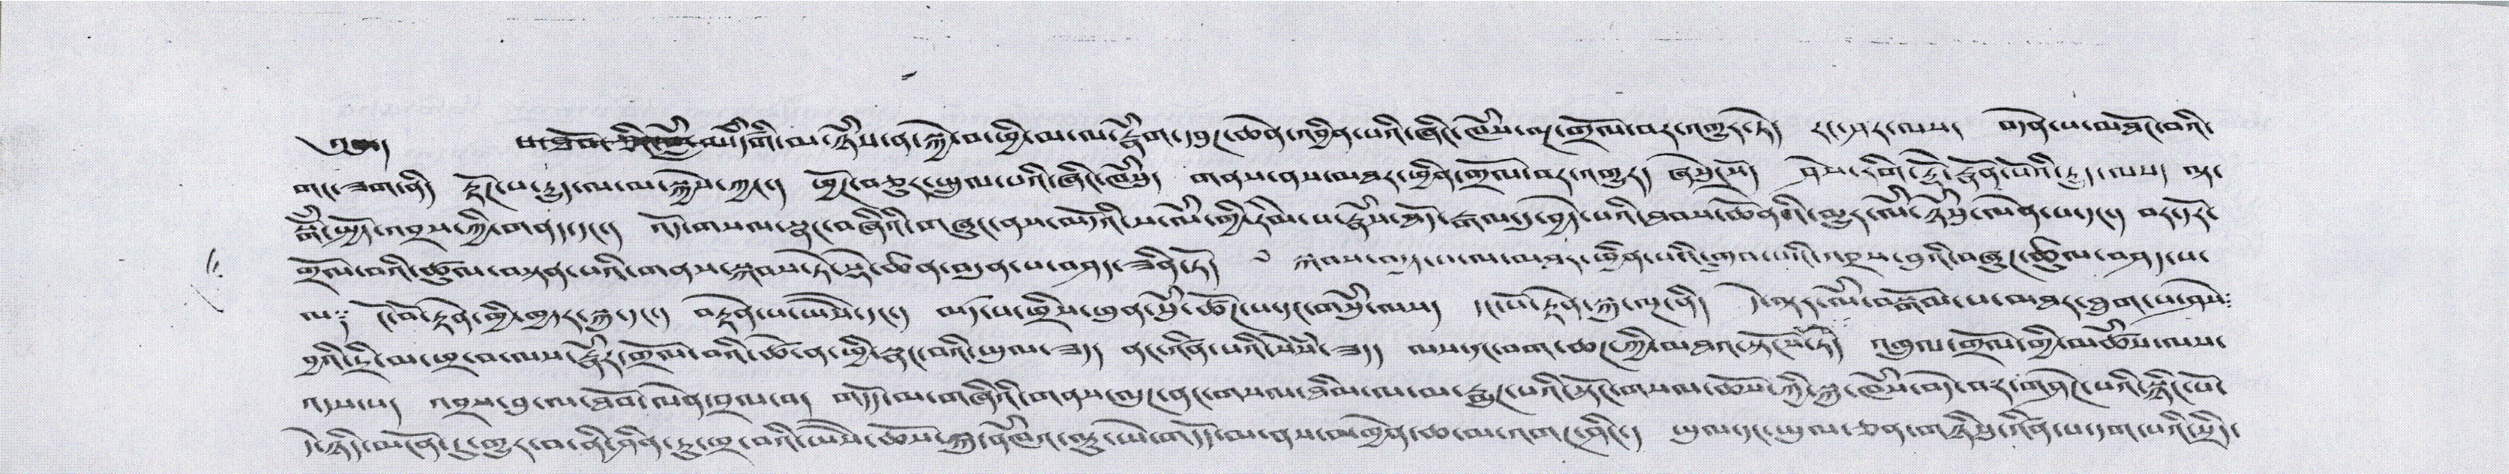པ་ཐོབ་ཅིང་བླ་མ་དམ་ཚིག་གི་མ་ཉམས་ན་སྐྱེ་བ་ཕྱི་མ་ལ་རྣམ་དག་དབུགས་ཆེན་འབྱིན་པའི་ཞིང་ཁམས་ལྔ་གྲོལ་བར་འགྱུར་ཏེ། རང་ཤར་ལས། བདེན་པ་མཐོང་བའི་
གང་ཟག་ནི། རྟོགས་པ་རྒྱུད་ལ་མ་སྐྱེས་ཀྱང། ཕྱོགས་བཅུར་སྤྲུལ་པའི་ཞིང་ཁམས་སུ། གནས་ནས་མཐར་ཕྱིན་གྲོལ་བར་འགྱུར། ཞེས་གསུངས་སོ། ཤེས་རིག་རྡོ་རྗེ་རྣོན་པོའི་རྒྱུད་ལས། ལྟ་
སྒོམ་སྤྱོད་འབྲས་ཀྱི་གནད་དང། འོད་གསལ་སྣང་བཞིའི་གཞུང་ནས་མདོའི་ས་ལམ་གྱི་རིམ་པ་རྣམས་ཐོད་རྒལ་དུ་བྱེད་པའི་ཐབས་ཆེན་པོའི་མྱུར་ལམ་ཉམས་སུ་ལེན་པ་དང། བར་དོར་
གྲོལ་བའི་ཚུལ་བསྟན་པའི་གནས་སྐབས་ཏེ་སྡེ་ཚན་བདུན་པ་བཤད་ཟིན་ཏོ། ༧ སྐབས་བརྒྱད་པ་ལ་མཐར་ཕྱིན་པའི་གྲུབ་པའི་འབྲས་བུའི་བཞུགས་ཚུལ་བཤད་པ་
ལ། ངོ་བོ་རྟེན་གྱི་ཁྱད་པར་སྐུ་དང། བརྟེན་པ་ཡེ་ཤེས་དང། མཛད་པ་ཕྲིན་ལས་ཕུན་སུམ་ཚོགས་པ་དང་གསུམ་ལས། དང་པོ་རྟེན་སྐུ་ལྔ་ནི། དེ་ལྟར་ལམ་བསྒོམ་པ་མཐར་ཐུག་པ་ཤེས་
བྱའི་དྲི་མ་ཕྲ་བ་ལས་རྣམ་པར་གྲོལ་བའི་ཚེ་ན་ཕྱི་སྣང་བའི་ཡུལ་ཟད། ནང་འཛིན་པའི་སེམས་ཟད། ལས་དང་བག་ཆགས་ཀྱི་མཐའ་སྟོངས་ཏེ། འཁྲུལ་གྲོལ་གྱི་མཚམས་ལས་
འདས་པ། འབྲས་བུ་ལ་ཐོབ་ལེན་བྲལ་བ། གདོད་མ་གཞིའི་གནས་ལུགས་ནང་གསལ་ཐིམ་ལ་མ་རྨུགས་པའི་སྟོང་གསལ་ཆོས་ཀྱི་སྐུ་ཁམས་བདེ་བར་གཤེགས་པའི་སྙིང་པོ་
དེ་ཉིད་མངོན་དུ་གྱུར་བ་ནི་ཤིན་ཏུ་ཕྲ་བའི་ཡེ་ཤེས་ཆོས་སྐུ་ནམ་མཁའ་ལྟ་བུ་ཡེ་གདོད་མ་ནས་མཁྱེན་ཆ་མ་འགགས་ཤིང། ཡུལ་དང་ཡུལ་ཅན་གཉིས་སུ་འཛིན་པ་དག་པའི་སྲིད་